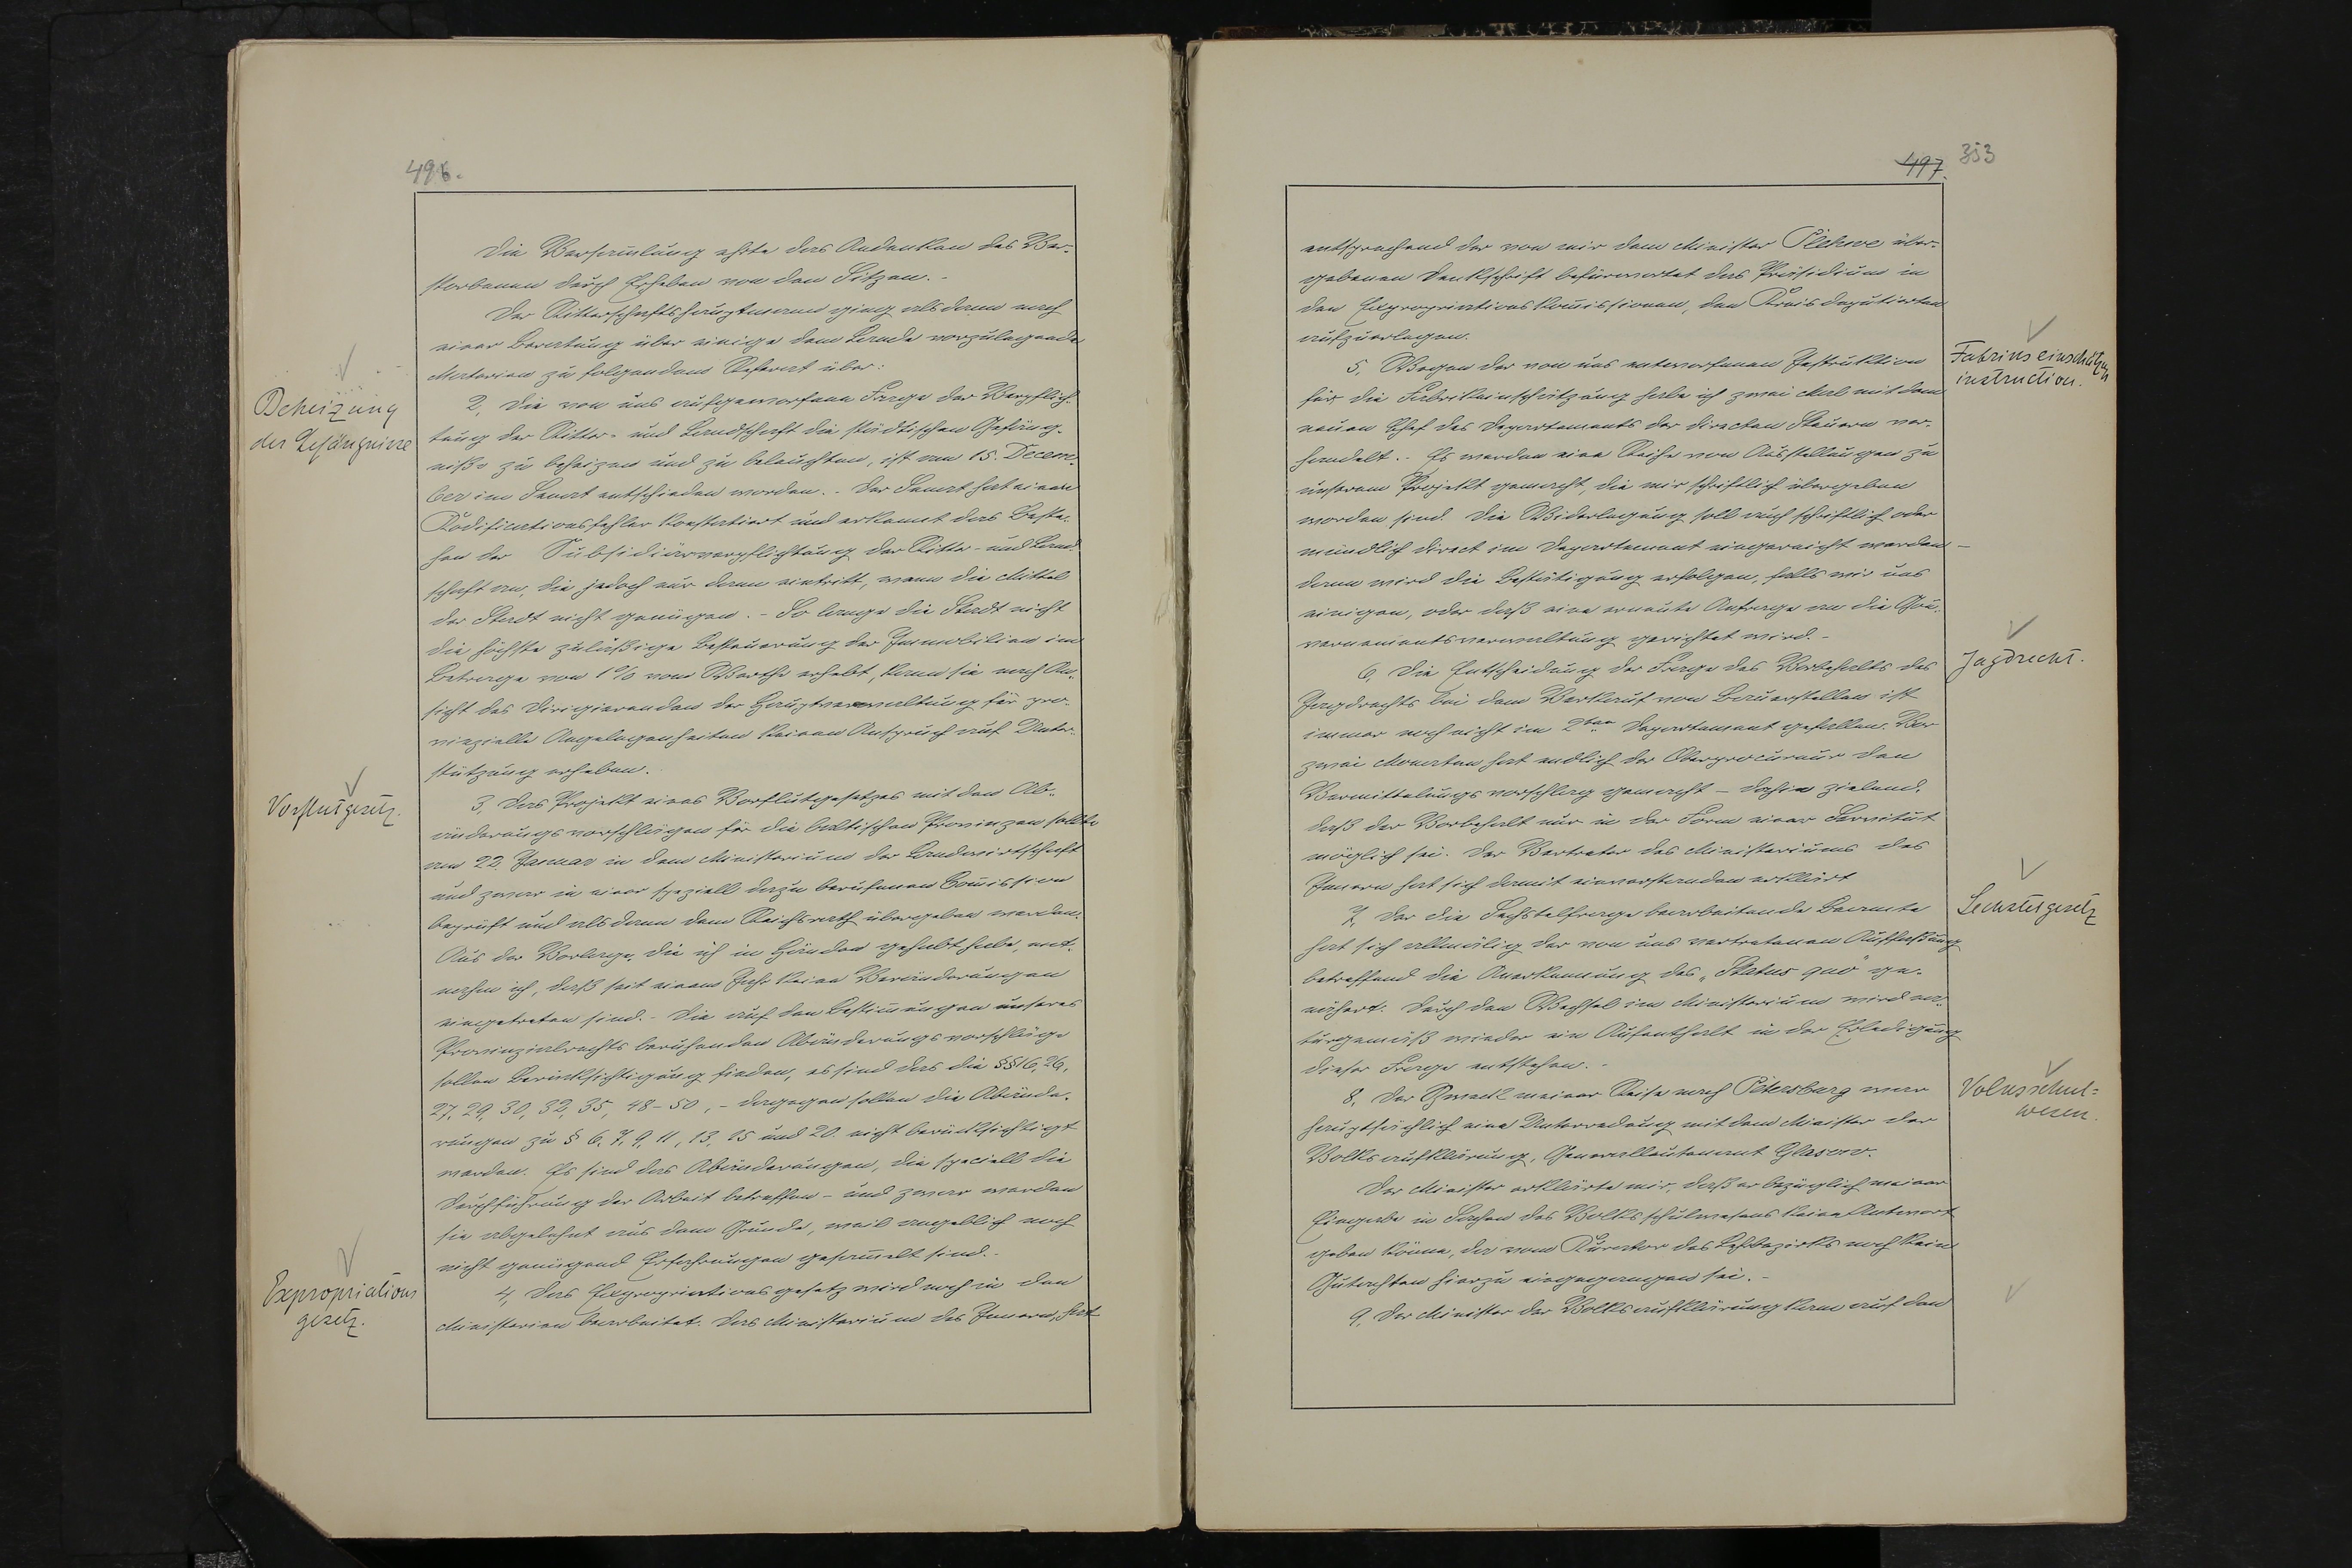Beheizung
der Gefängnisse
Vorflutgesetz
Expropriations
gesetz
Die Versammlung ehrte das Andenken des Ver-
storbenen durch Erheben von den Sitzen.
Der Ritterschaftshauptmann ging alsdann nach
einer Beratung über einige dem Lande vorzulegende
Materien zu folgendem Referat über:
2. Die von uns aufgeworfene Frage der Verpflich-
tung der Ritter- und Landschaft die städtischen Gefäng-
niße zu beheizen und zu beleuchten, ist am 15. Decem-
ber im Senat entschieden worden. Der Senat hat einen
Kodificationsfehler konstatiert und erkennt das Beste-
hen der Subsidiärverpflichtung der Ritter- und Land-
schaft an, die jedoch nur dann eintritt, wenn die Mittel
der Stadt nicht genügen. - So lange die Stadt nicht
die höchste zuläßige Besteuerung der Immobilien im
Betrage von 1% vom Werthe erhebt, kann sie nach An-
sicht des Dirigierenden der Hauptverwaltung für pro-
vinzielle Angelegenheiten keinen Anspruch auf Unter-
stützung erheben.
3. Das Projekt eines Vorflutgesetzes mit den Ab-
änderungsvorschlägen für die baltischen Provinzen sollte
am 22. Januar in dem Ministerium der Landwirtschaft
und zwar in einer speziell dazu berufenen Commission
beprüft und alsdann dem Reichsrath übergeben werden.
Aus der Vorlage, die ich in Händen gehabt habe, ent-
nahm ich, daß seit einem Jahr keine Veränderungen
eingetreten sind. - Die auf den Bestimmungen unseres
Provinzialrechts beruhenden Abänderungsvorschläge
sollen Berücksichtigung finden, es sind das die §§16, 26,
27, 29, 30, 32, 35, 48-50, - dagegen sollen die Abände-
rungen zu § 6, 7, 9, 11, 13, 15 und 20. nicht berücksichtigt
werden. Es sind das Abänderungen, die speciell die
Durchführung der Arbeit betreffen – und zwar werden
sie abgelehnt aus dem Grunde, weil angeblich noch
nicht genügend Erfahrungen gesammelt sind.
4. Das Expropriationsgesetz wird noch in den
Ministerien bearbeitet. Das Ministerium des Innern, hat
entsprechend der von mir dem Minister Plehwe über-
gebenen Denkschrift befürwortet das Präsidium in
den Expropriationskommissionen, den Kreisdeputierten
aufzuerlegen.
5. Wegen der von uns entworfenen Instruktion
für die Fabrikeinschätzung habe ich zwei Mal mit dem
neuen Chef des Departements der directen Steuern ver-
handelt. - Es werden eine Reihe von Ausstellungen zu
unserem Projekt gemacht, die mir schriftlich übergeben
worden sind. Die Widerlegung soll auch schriftlich oder
mündlich direct im Departement eingereicht werden –
dann wird die Bestätigung erfolgen, falls wir uns
einigen, oder daß eine erneute Anfrage an die Gou-
vernementsverwaltung gerichtet wird.
6. Die Entscheidung der Frage des Vorbehalts des
Jagdrechts bei dem Verkauf von Bauerstellen ist
immer noch nicht im 2ten Departement gefallen. Vor
zwei Monaten hat endlich der Oberprocureur den
Vermittelungsvorschlag gemacht - dahin zielend,
daß der Vorbehalt nur in der Form einer Servitut
möglich sei. Der Vertreter des Ministeriums des
Innern hat sich damit einverstanden erklärt.
7. Der die Sechstelfrage bearbeitende Beamte
hat sich allmälig der von uns vertretenen Auffaßung
betreffend die Anerkennung des „Status quo“ ge-
nähert. Durch den Wechsel im Ministerium wird na-
turgemäß wieder ein Aufenthalt in der Erledigung
dieser Frage entstehen.
8. Der Zweck meiner Reise nach Petersburg war
hauptsächlich eine Unterredung mit dem Minister der
Volksaufklärung, Generalleutenant Glasow.
Der Minister erklärte mir, daß er bezüglich meiner
Eingabe in Sachen des Volksschulwesens keine Antwort
geben könne, da vom Kurator des Lehrbezirks noch kein
Gutachten eingegangen sei.
9. Der Minister der Volksaufklärung kam auf den
Fabrikeinschätzungs
instruction
Jagdrecht.
Sechstelgesetz.
Volksschul-
wesen